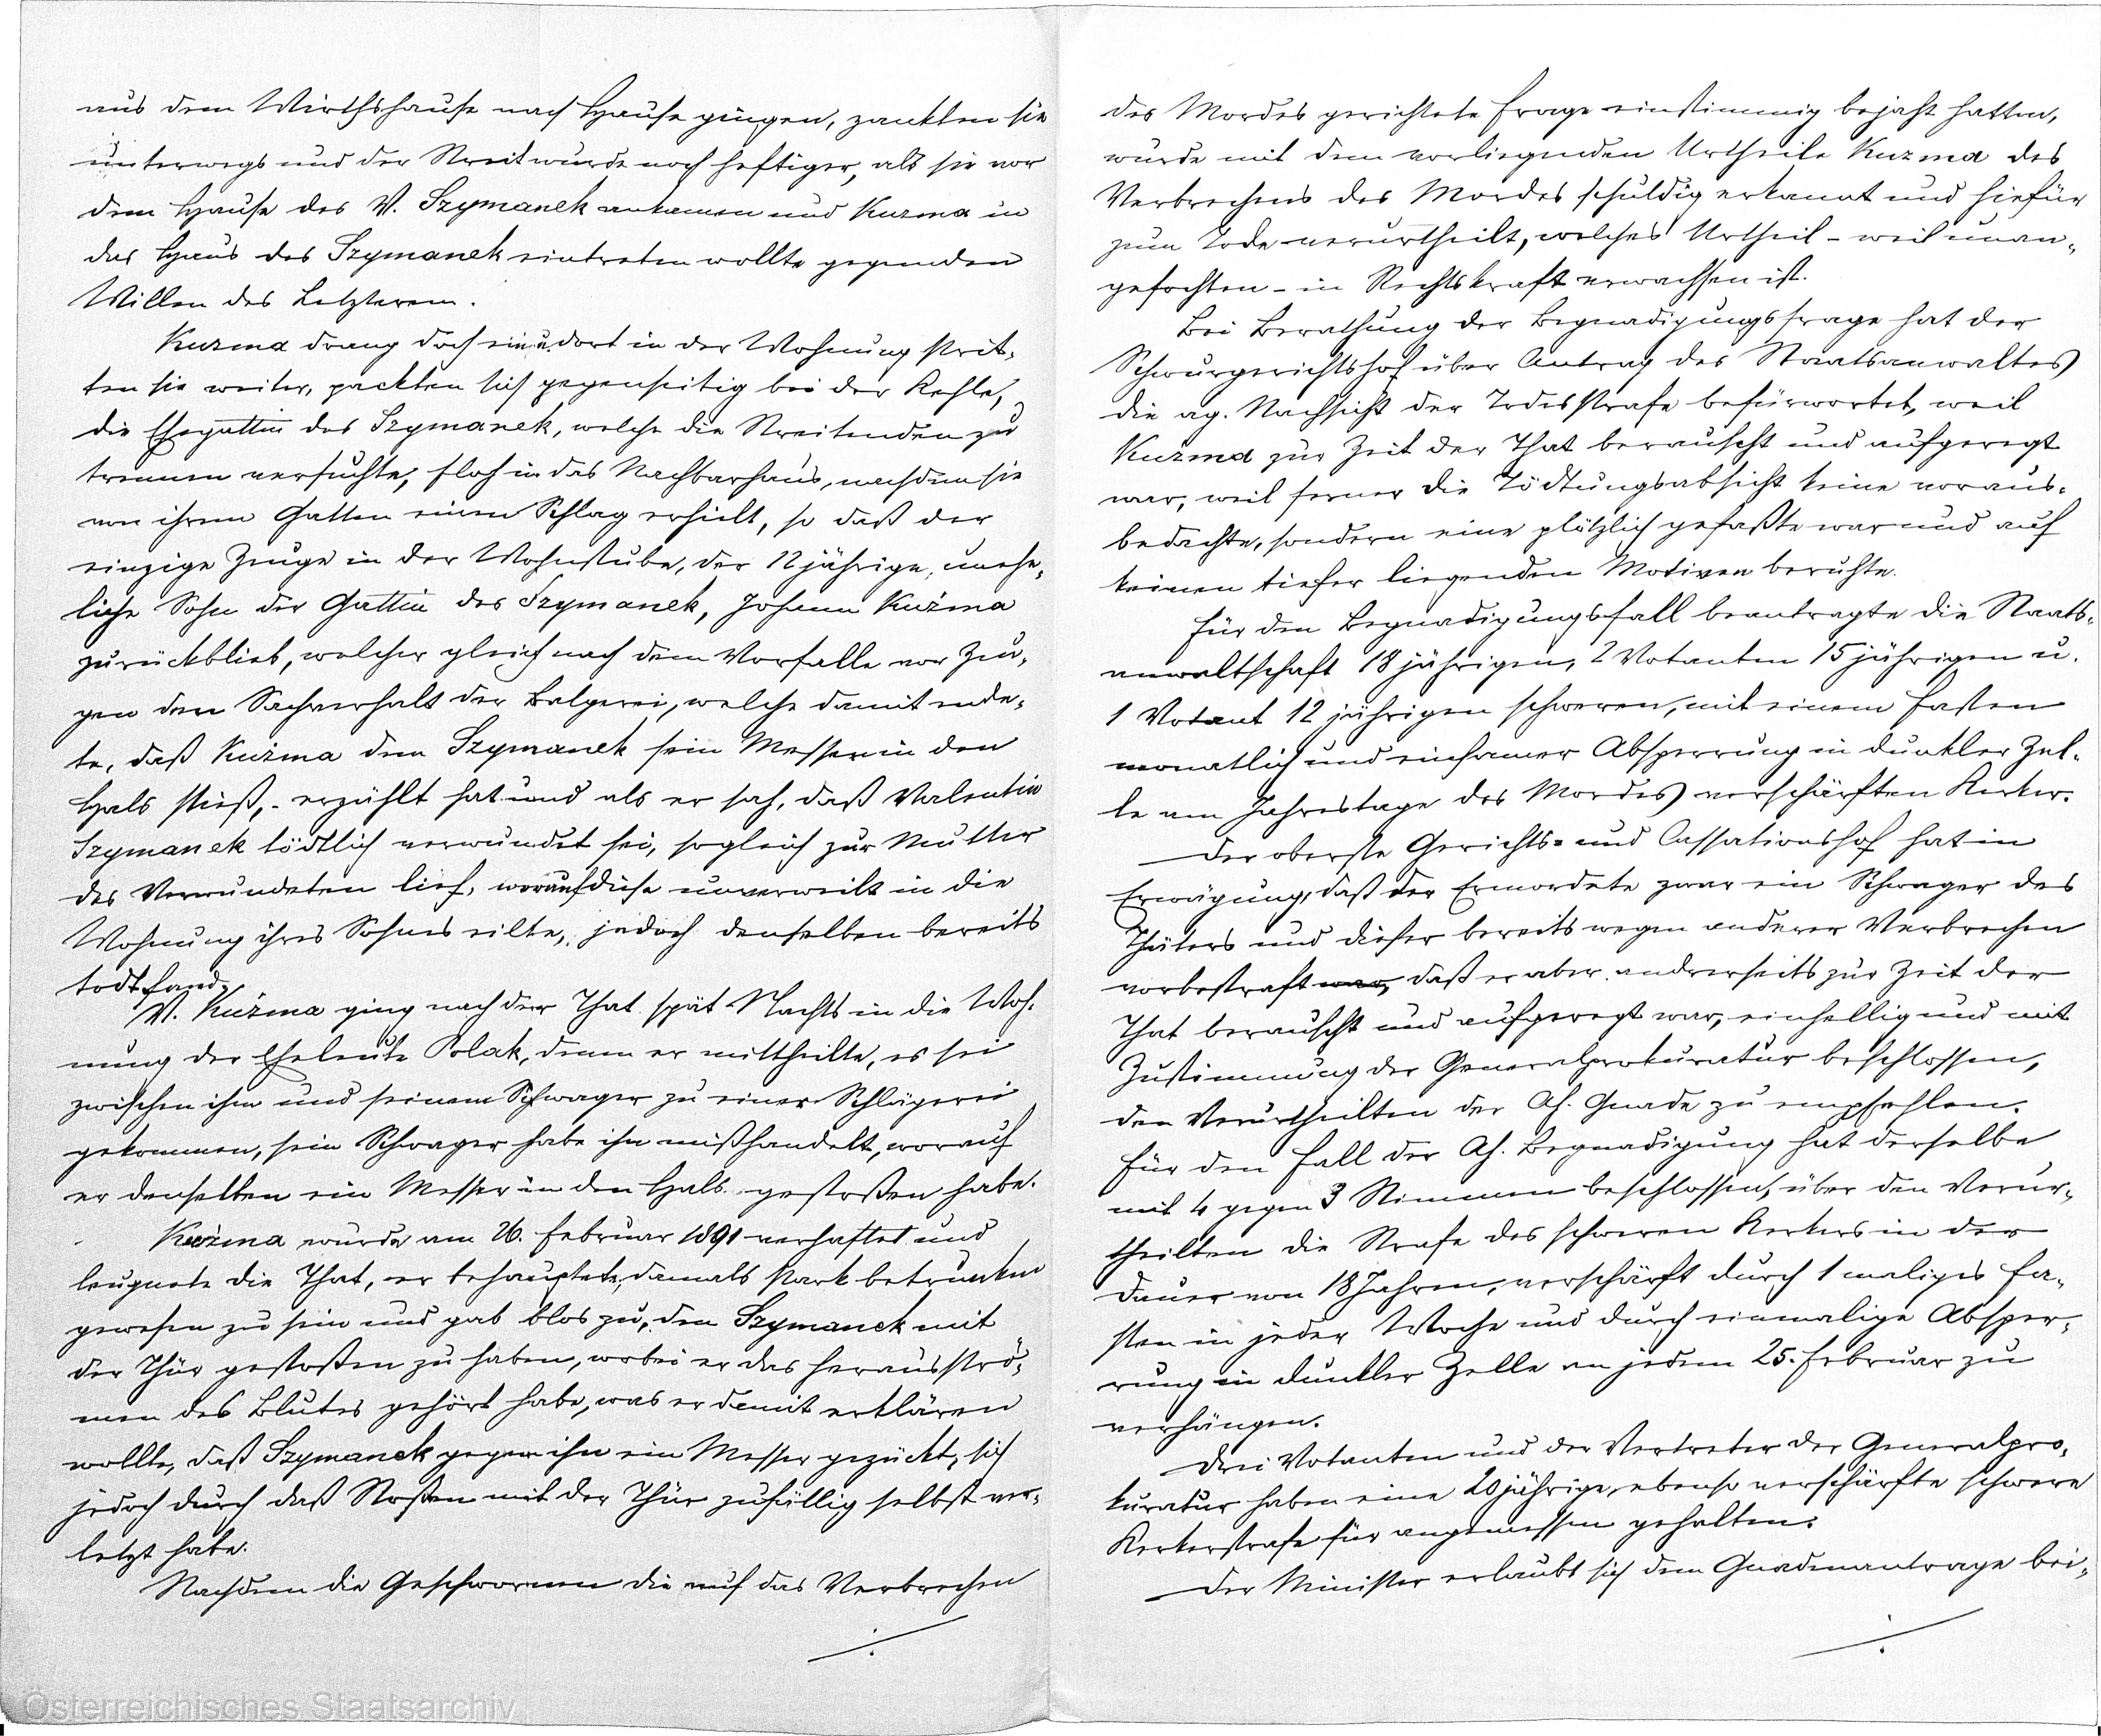aus dem Wirthshause nach Hause gingen, zankten sie
unterwegs und der Streit wurde noch heftiger, als sie vor
dem Hause des V. Szymanek ankamen und Kuźma in
das Haus des Szymanek eintraten wollte gegen den
Willen des Letzteren
Kuźma drang doch ein u. dort in der Wohnung strit¬
ten sie weiter, packten sich gegenseitig bei der Kehle,
die Ehegattin des Szymanek, welche die Streitenden zu
trennen versuchte, floh in das Nachbarhaus, nachde sie
von ihrem Gatten einen Schlag erhielt, so daß der
einzige Zeuge in der Wohnstube, der 12jährige, unehe¬
liche Sohn der Gattin des Szymanek, Johann Kuźma
zurückblieb, welcher gleich nach dem Vorfalle vor Zeu¬
gen den Sachverhalt der Balgerei, welche damit ende¬
te, daß Kuźma dem Szymanek sein Messer in den
Hals stieß, erzählt hat und als er sah, daß Valentin
Szymanek tödlicht verwundet sei, sogleich zur Mutter
des Verwundeten lief, worauf diese unverweils in die
Wohnung ihres Sohnes eilte, jedoch denselben bereits
todt fand.
V. Kuźma ging nach der That spät Nachts in die Who¬
nung der Eheleute Polak, denen er mittheilte, es sei
zwischen ihm und seinem Schwager zu einer Schlägerei
gekommen, sein Schwager habe ihn mißhandelt, worauf
er denselben ein Messer in den Hals gestoßen habe.
Kuźma wurde am 26. Februar 1891 verhaftet und
leugnete die That, er behauptete, damals stark betrunken
gewesen zu sein und gab blos zu, den Szymanek mit
der Thür gestoßen zu haben, wobei er das herausströ¬
men des Blutes gehört habe, was er damit erklären
wollte, daß Szymanek gegen ihn ein Messer gezückt, sich
jedoch durch daß Stoßen mit der Thür zufällig selbst ver¬
letzt habe.
Nachdem die Geschworenen die auf das Verbrechen
des Mordes gerichtete Frage einstimmig bejaht hatten,
wurde mit dem vorliegenden Urtheil Kuźma des
Verbrechens des Mordes schuldig erkannt und hiefür
zum Tode verurtheilt, welches Urtheil – weil unan¬
gefochten – in Rechtskraft erwachsen ist.
Bei Berathung der Begnadigungsfrage hat der
Schwurgerichtshof übe Antrag des Staatsanwaltes
die ag Nachsicht der Todesstrafe befürwortete, weil
Kuźma Zur Zeit der That berauscht und aufgeregt
war, weil ferner die Tödtungsabsicht keine voraus¬
bedachten, sondern eine plötzlich gefaßte war und auf
keinen tiefer liegenden Motiven beruhte.
Für den Begnadigungsfall beantragte die Staats¬
anwaltschaft 18jährigen, 2 Votanten 15jährigen u.
1 Votant 12jährigen schweren, mit einem Fasten
monatlich und einsamer Absperrung in dunkler Zel¬
le am Jahrestage des Mondes verschärfte Kerker.
Der oberste Gerichts und Cassationshof hat in
Erwägung, daß der Ermordete zwar ein Schwager des
Thäters und dieser bereits wegen anderer Verbrechen
vorbestraft, daß er aber andrerseits zur Zeit der
That berauscht und aufgeregt war, einhellig und mit
Zustimmung der Generalprokuratur beschlossen,
den Verurtheilten der ah. Gnade zu empfehlen.
Für den Fall der Ah. Begnadigung hat derselbe
mit 4 gegen 3 Stimmen beschlossen, über den Verur¬
theilten die Strafe des schweren Kerkers in der
Dauer vom 18 Jahren verschärft durch 1 maliges Fa¬
sten in jeder Woche und durch einmalige Absper¬
rung in dunkler Zelle an jedem 25. Februar zu
verhängen.
Drei Votanten und der Vertreter der Generalpro¬
kuratur haben eine 20jährigen ebenso verschärfte schwere
Kerkerstrafe für angemessen gehalten.
Der Minister erlaubt sich dem Gnadenantrage bei¬